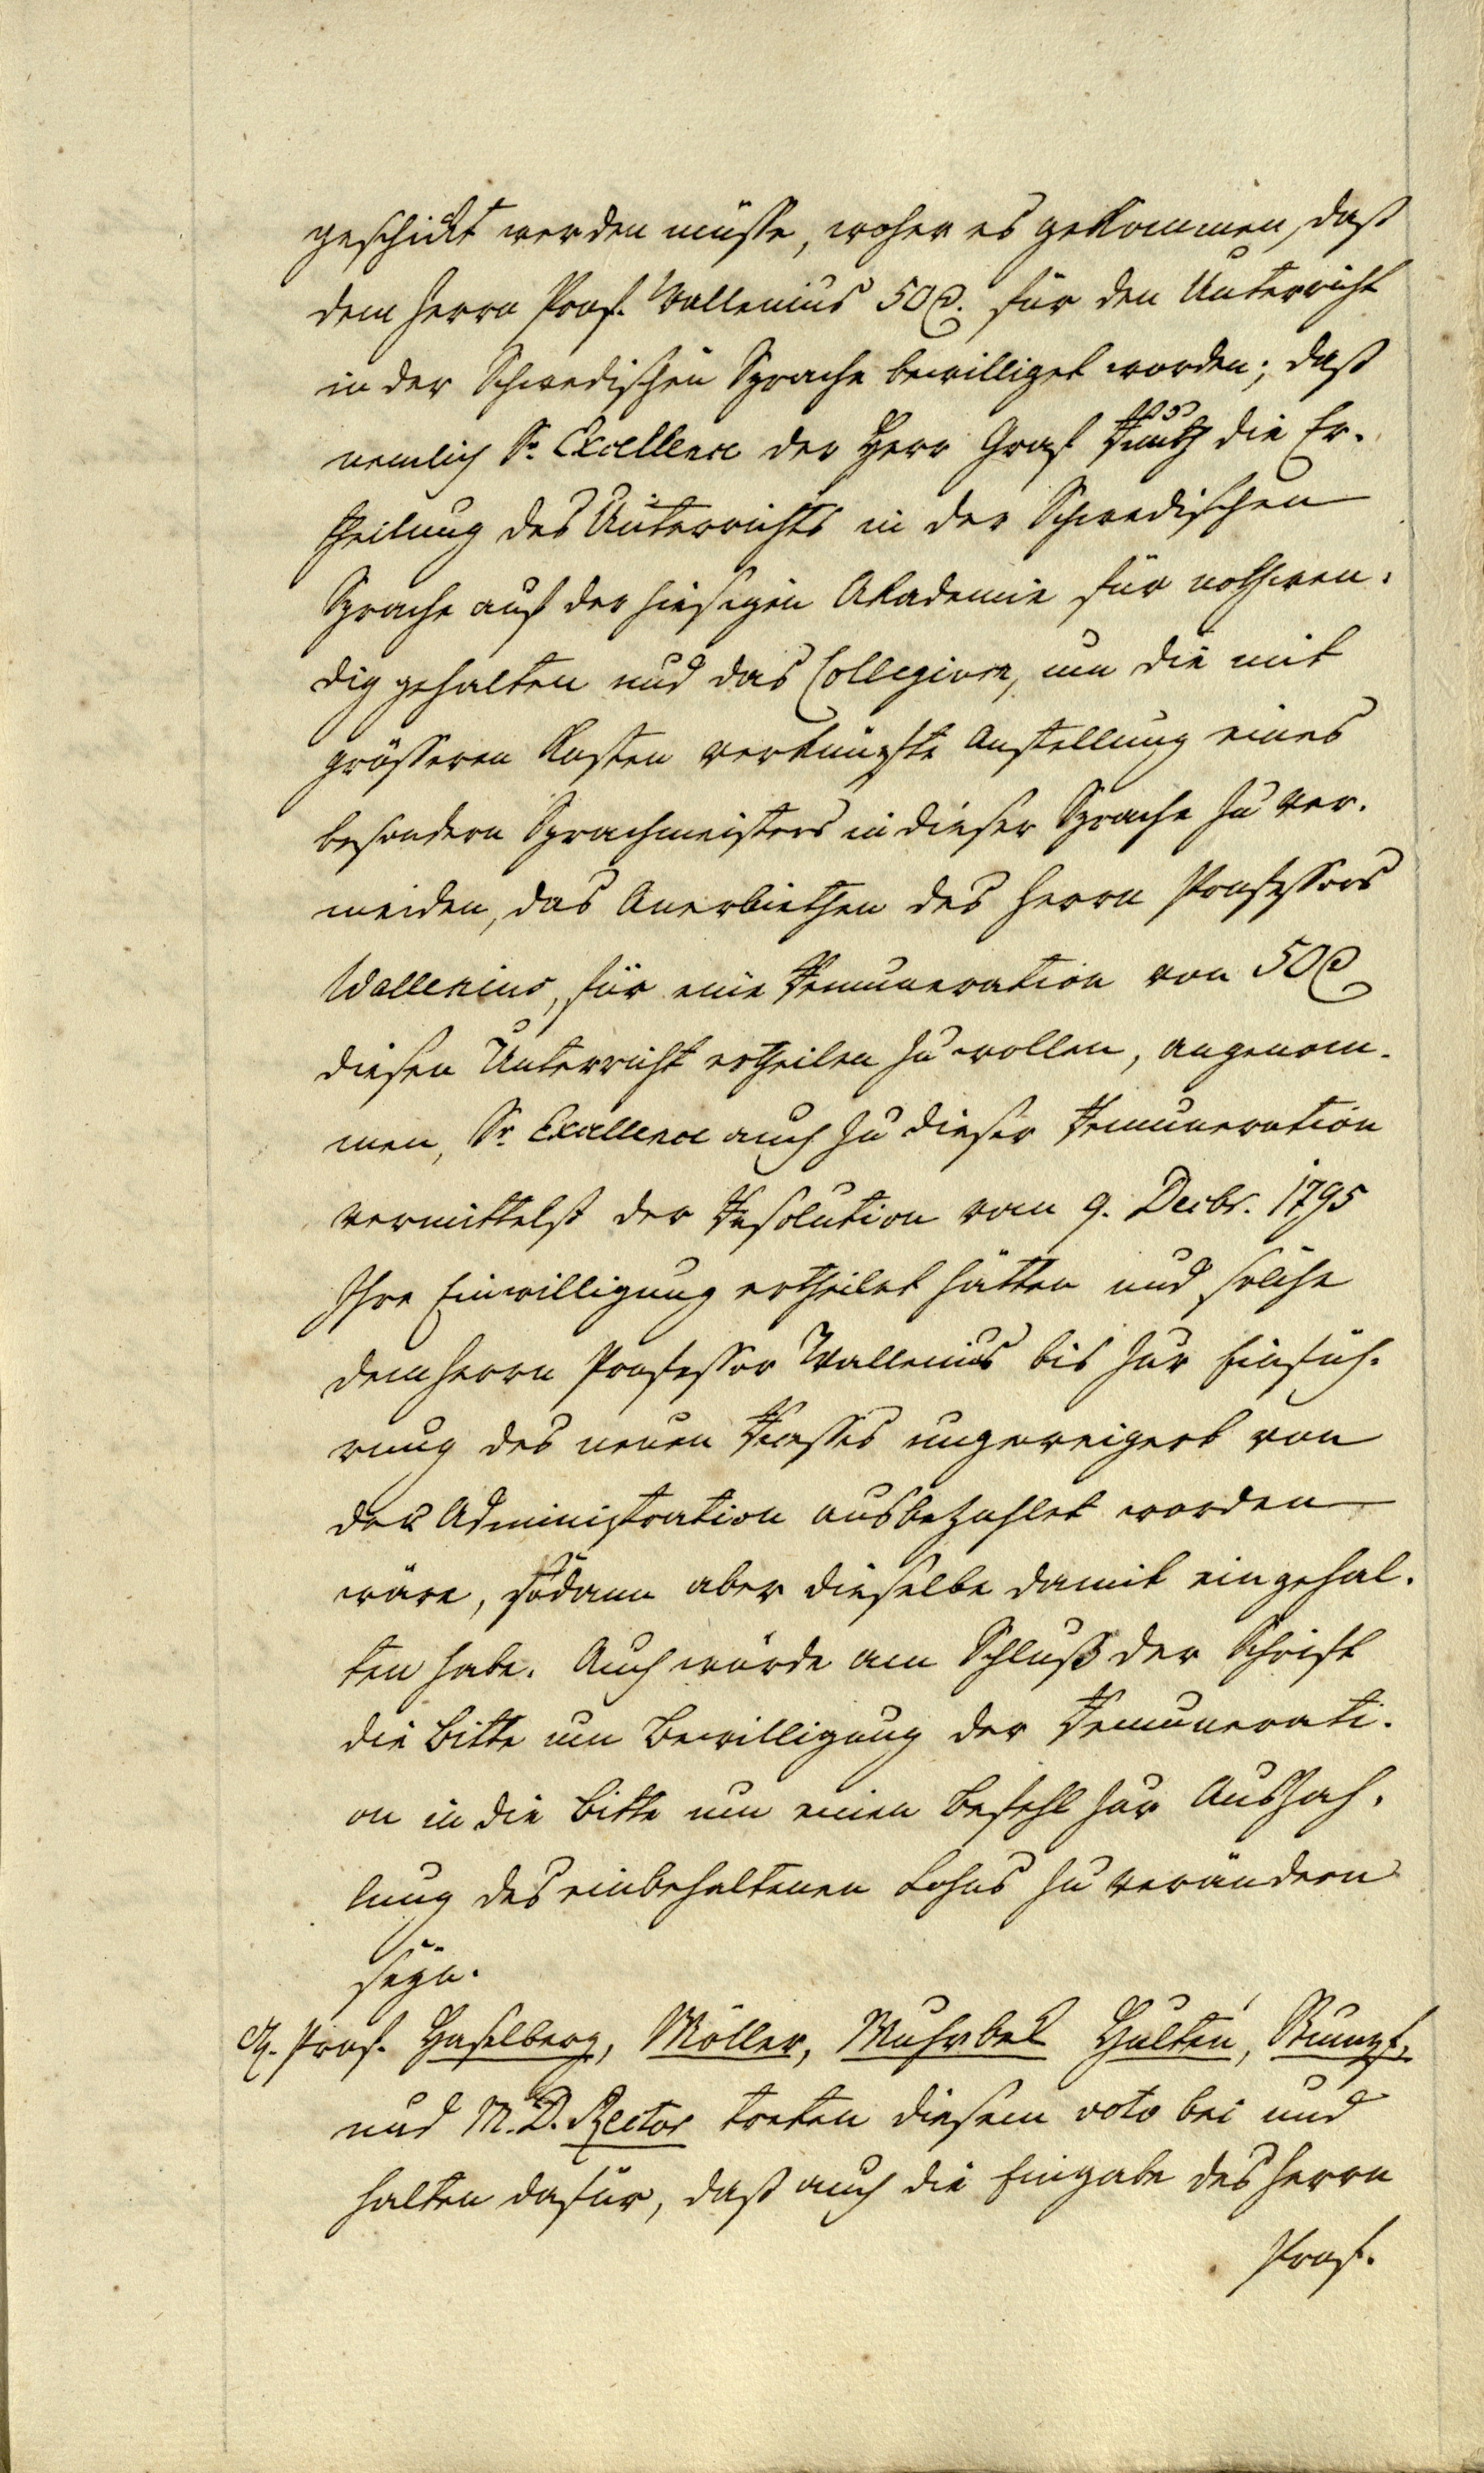geschickt werden müsse, woher es gekommen, daß
dem Herrn Prof. Wallenius 50 l. für den Unterricht
in der Schwedischen Sprache bewilliget worden; daß
nemlich Sr Excellence der Herr Graf Ruuth die Er¬
theilung des Unterrichts in der Schwedischen
Sprache auf der hiesigen Akademie für nothwen¬
dig gehalten und das Collegium, um die mit
grösseren Kosten verknüpfte Anstellung eines
besondern Sprachmeisters in dieser Sprache zu ver¬
meiden, das Anerbiethen des Herrn Professors
Wallenius, für eine Remuneration von 50 l.
diesen Unterricht ertheilen zu wollen, angenom¬
men, Sr Excellence auch zu dieser Remuneration
vermittelst der Resolution vom 9. Decbr. 1795
ihre Einwilligung ertheilet hätten und solche
dem Herrn Professor Wallenius bis zur Einfüh¬
rung des neuen Recesses ungeweigert von
der Administration ausbezahlet worden
wäre, sodann aber dieselbe damit eingehal¬
ten habe. Auch würde am Schluß der Schrift
die Bitte um Bewilligung der Remunerati¬
on in die Bitte um einen Befehl zur Auszah¬
lung des einbehaltenen Lohns zu verändern
seÿn.
dh. Prof. Haselberg, Möller, Muhrbeck, Hultén, Stumpf
und M D. Rector treten diesem voto bei und
halten dafür, daß auch die Eingabe des Herrn
Prof.